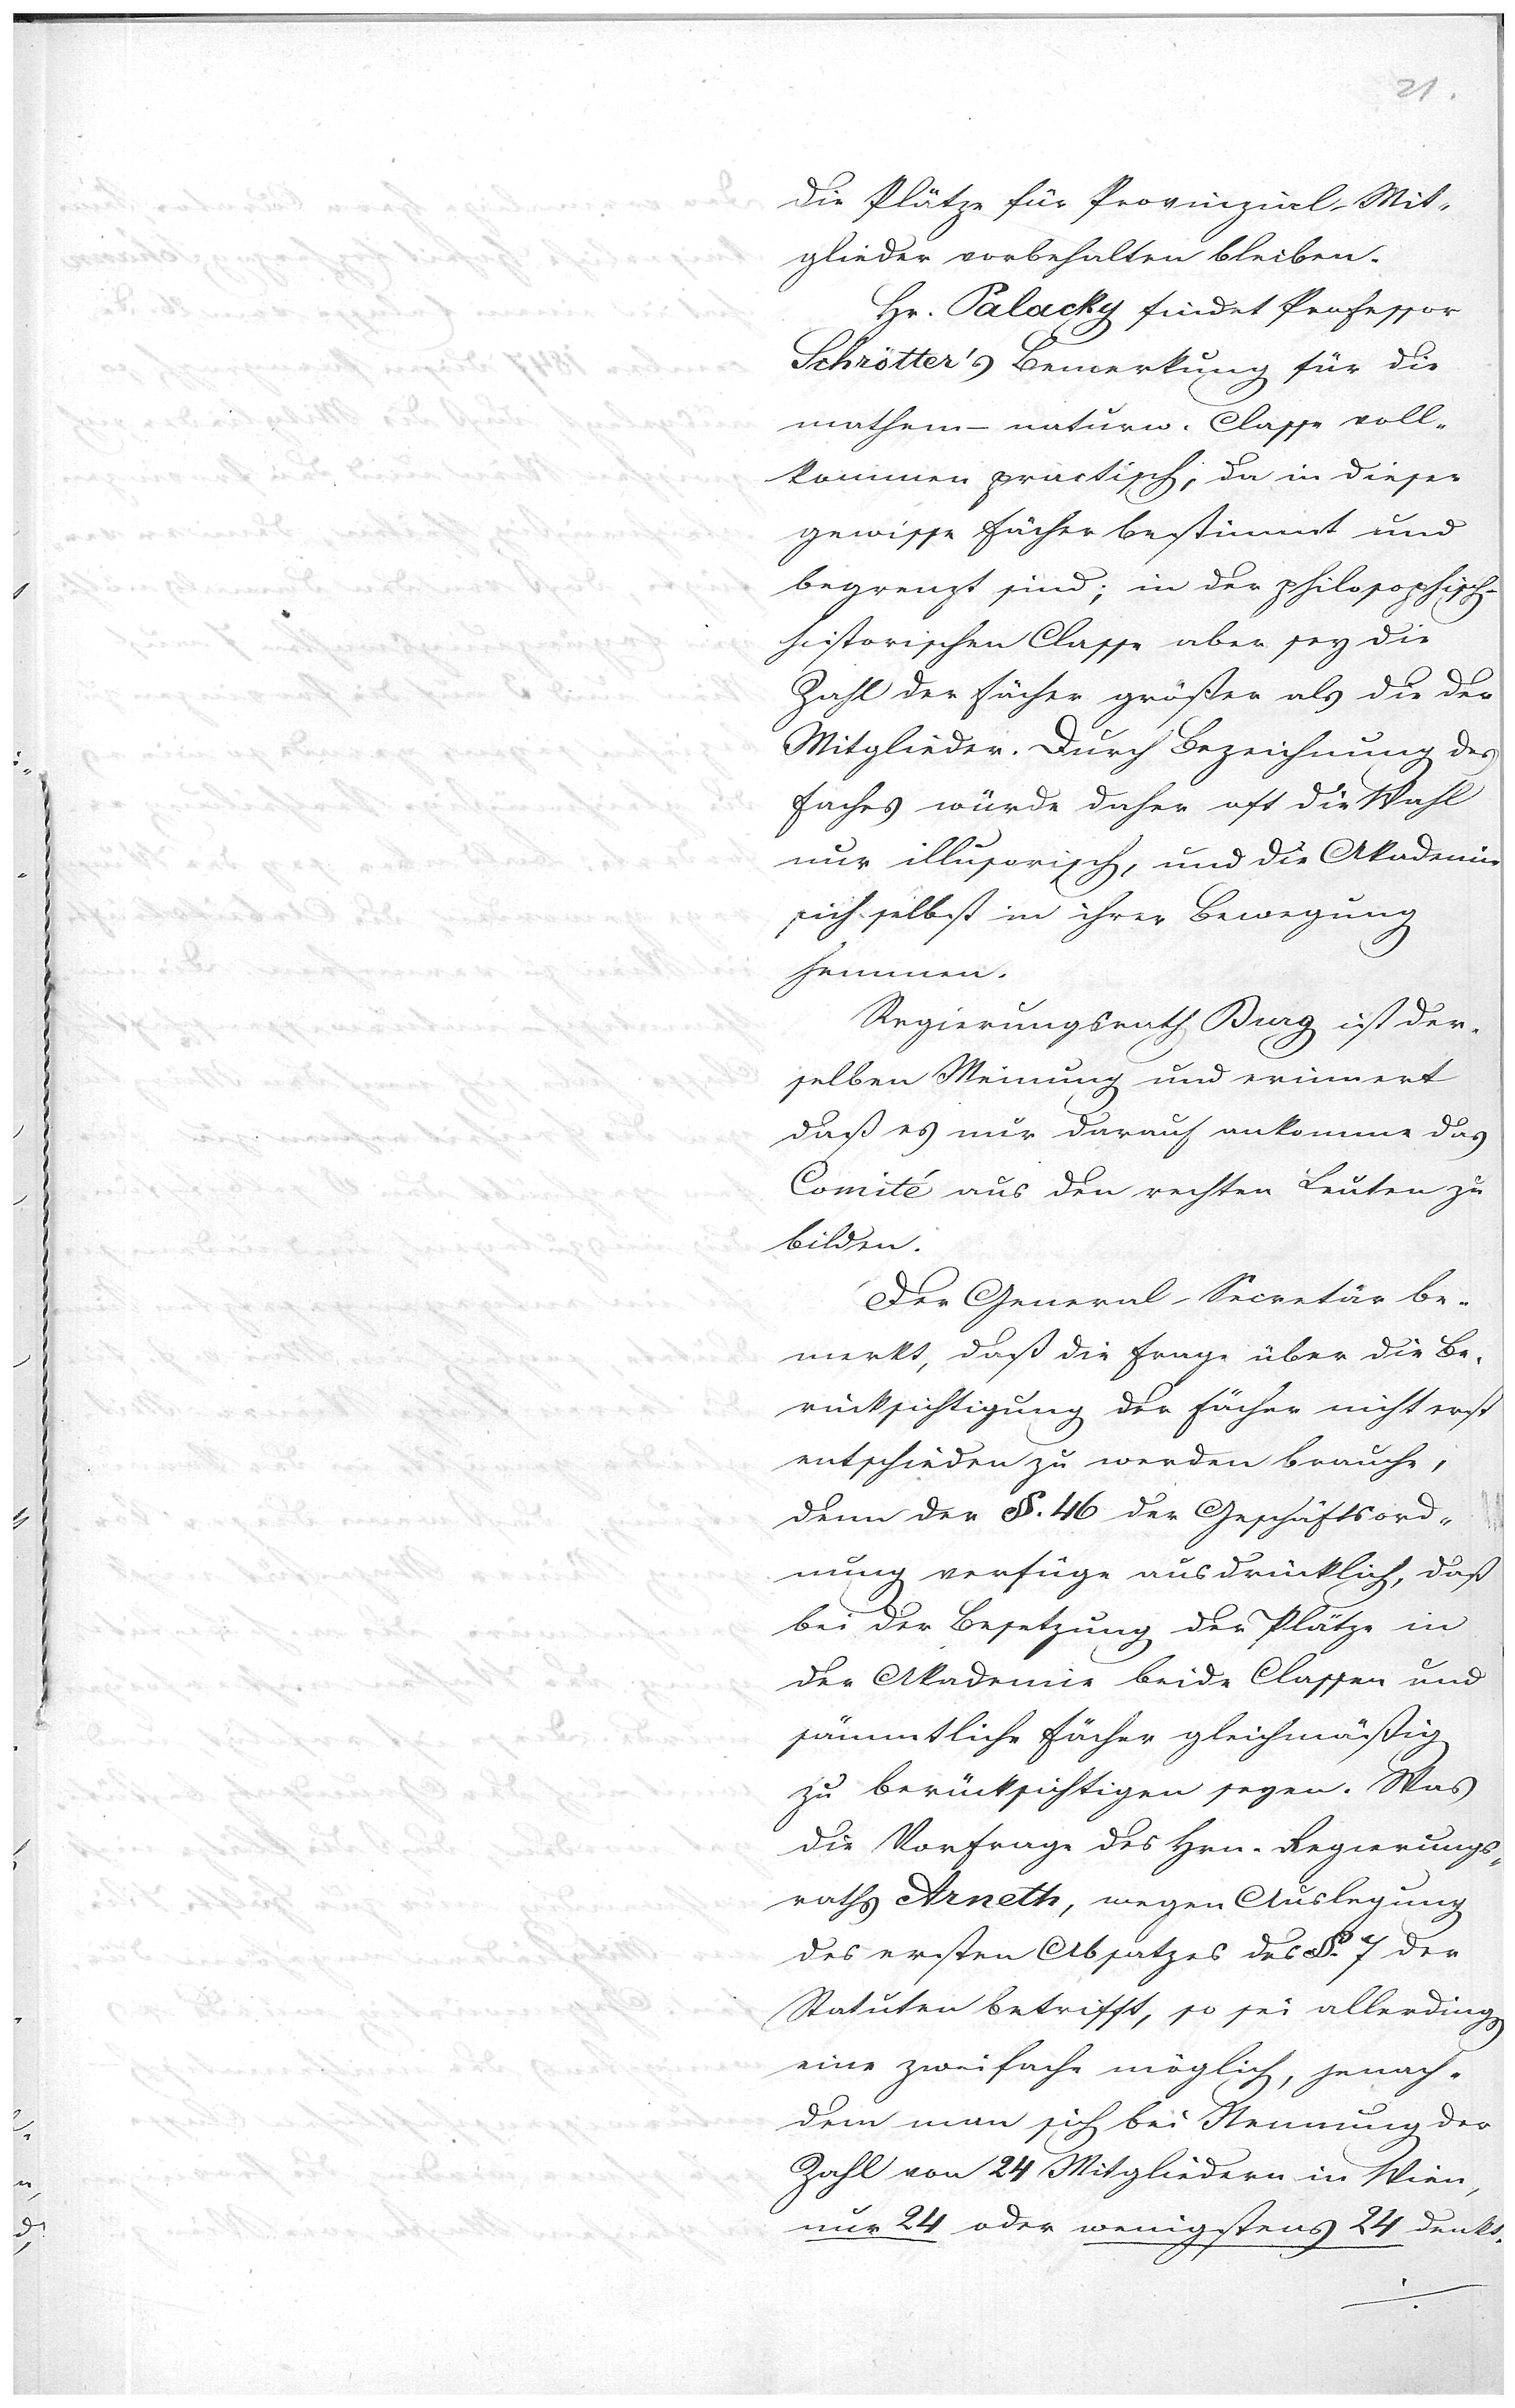die Plätze für Provinzial-Mit-
glieder vorbehalten bleiben.
Hr. Palacky findet Professor
Schrötter's Bemerkung für die
mathem-naturw. Classe voll-
kommen practisch, da in dieser
gewisse Fächer bestimmt und
begrenzt sind; in der philosophisch-
historischen Classe aber sey die
Zahl der Fächer größer als die der
Mitglieder. Durch Bezeichnung des
Faches würde daher oft die Wahl
nur illusorisch, und die Akademie
sich selbst in ihrer Bewegung
hemmen.
Regierungsrath Burg ist der-
selben Meinung und erinnert
daß es nur darauf ankomme das
Comité aus den rechten Leuten zu
bilden.
Der General-Secretär be-
merkt, daß die Frage über die Be-
rücksichtigung der Fächer nicht erst
entschieden zu werden brauche,
denn der § 46 der Geschäftsord-
nung verfüge ausdrücklich, daß
bei der Besetzung der Plätze in
der Akademie beide Classen und
sämmtliche Fächer gleichmäßig
zu berücksichtigen seyen. Was
die Vorträge des Hrn. Regierungs-
raths Arneth, wegen Auslegung
des ersten Absatzes des § 7 der
Statuten betrifft, so sei allerdings
eine zweifache möglich, jenach-
dem man sich bei Nennung der
Zahl von 24 Mitgliedern in Wien,
nur 24 oder wenigstens 24 denkt.